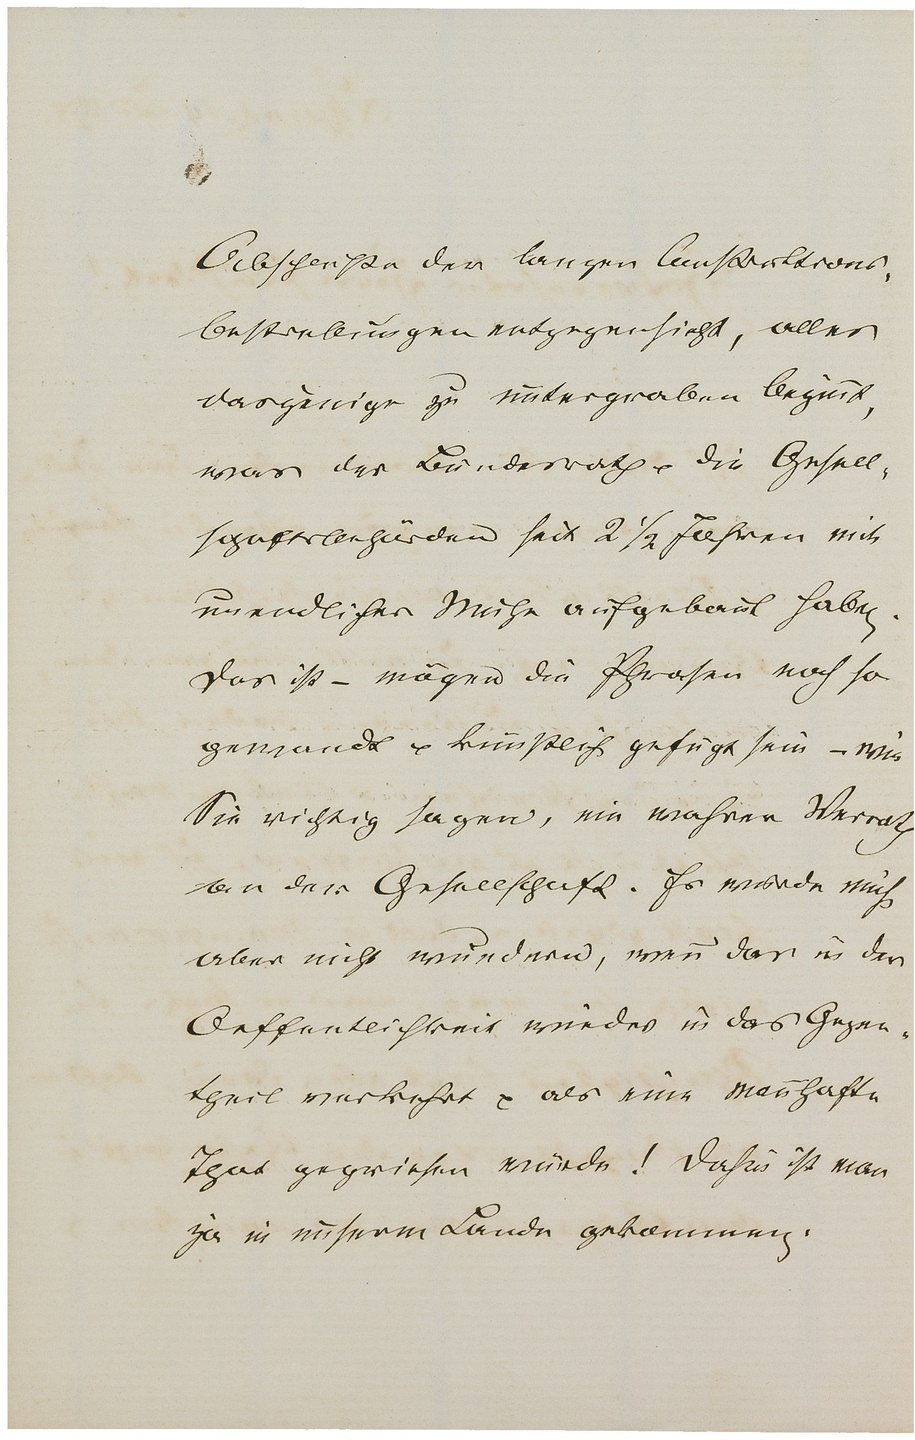Abschluße der langen Construktions-
bestrebungen entgegensieht, alles
dasjenige zu untergraben beginnt,
was der Bundesrath & die Gesell-
schaftsbehörden seit 2½ Jahren mit
unendlicher Mühe aufgebaut haben.
Das ist – mögen die Phrasen noch so
gewandt & künstlich gefügt sein – wie
Sie richtig sagen, ein wahrer Verrath
an der Gesellschaft. Es würde mich
aber nicht wundern, wenn das in der
Oeffentlichkeit wieder in das Gegen-
theil verkehrt & als eine mannhafte
That gepriesen würde! Dahin ist man
ja in unserem Lande gekommen.